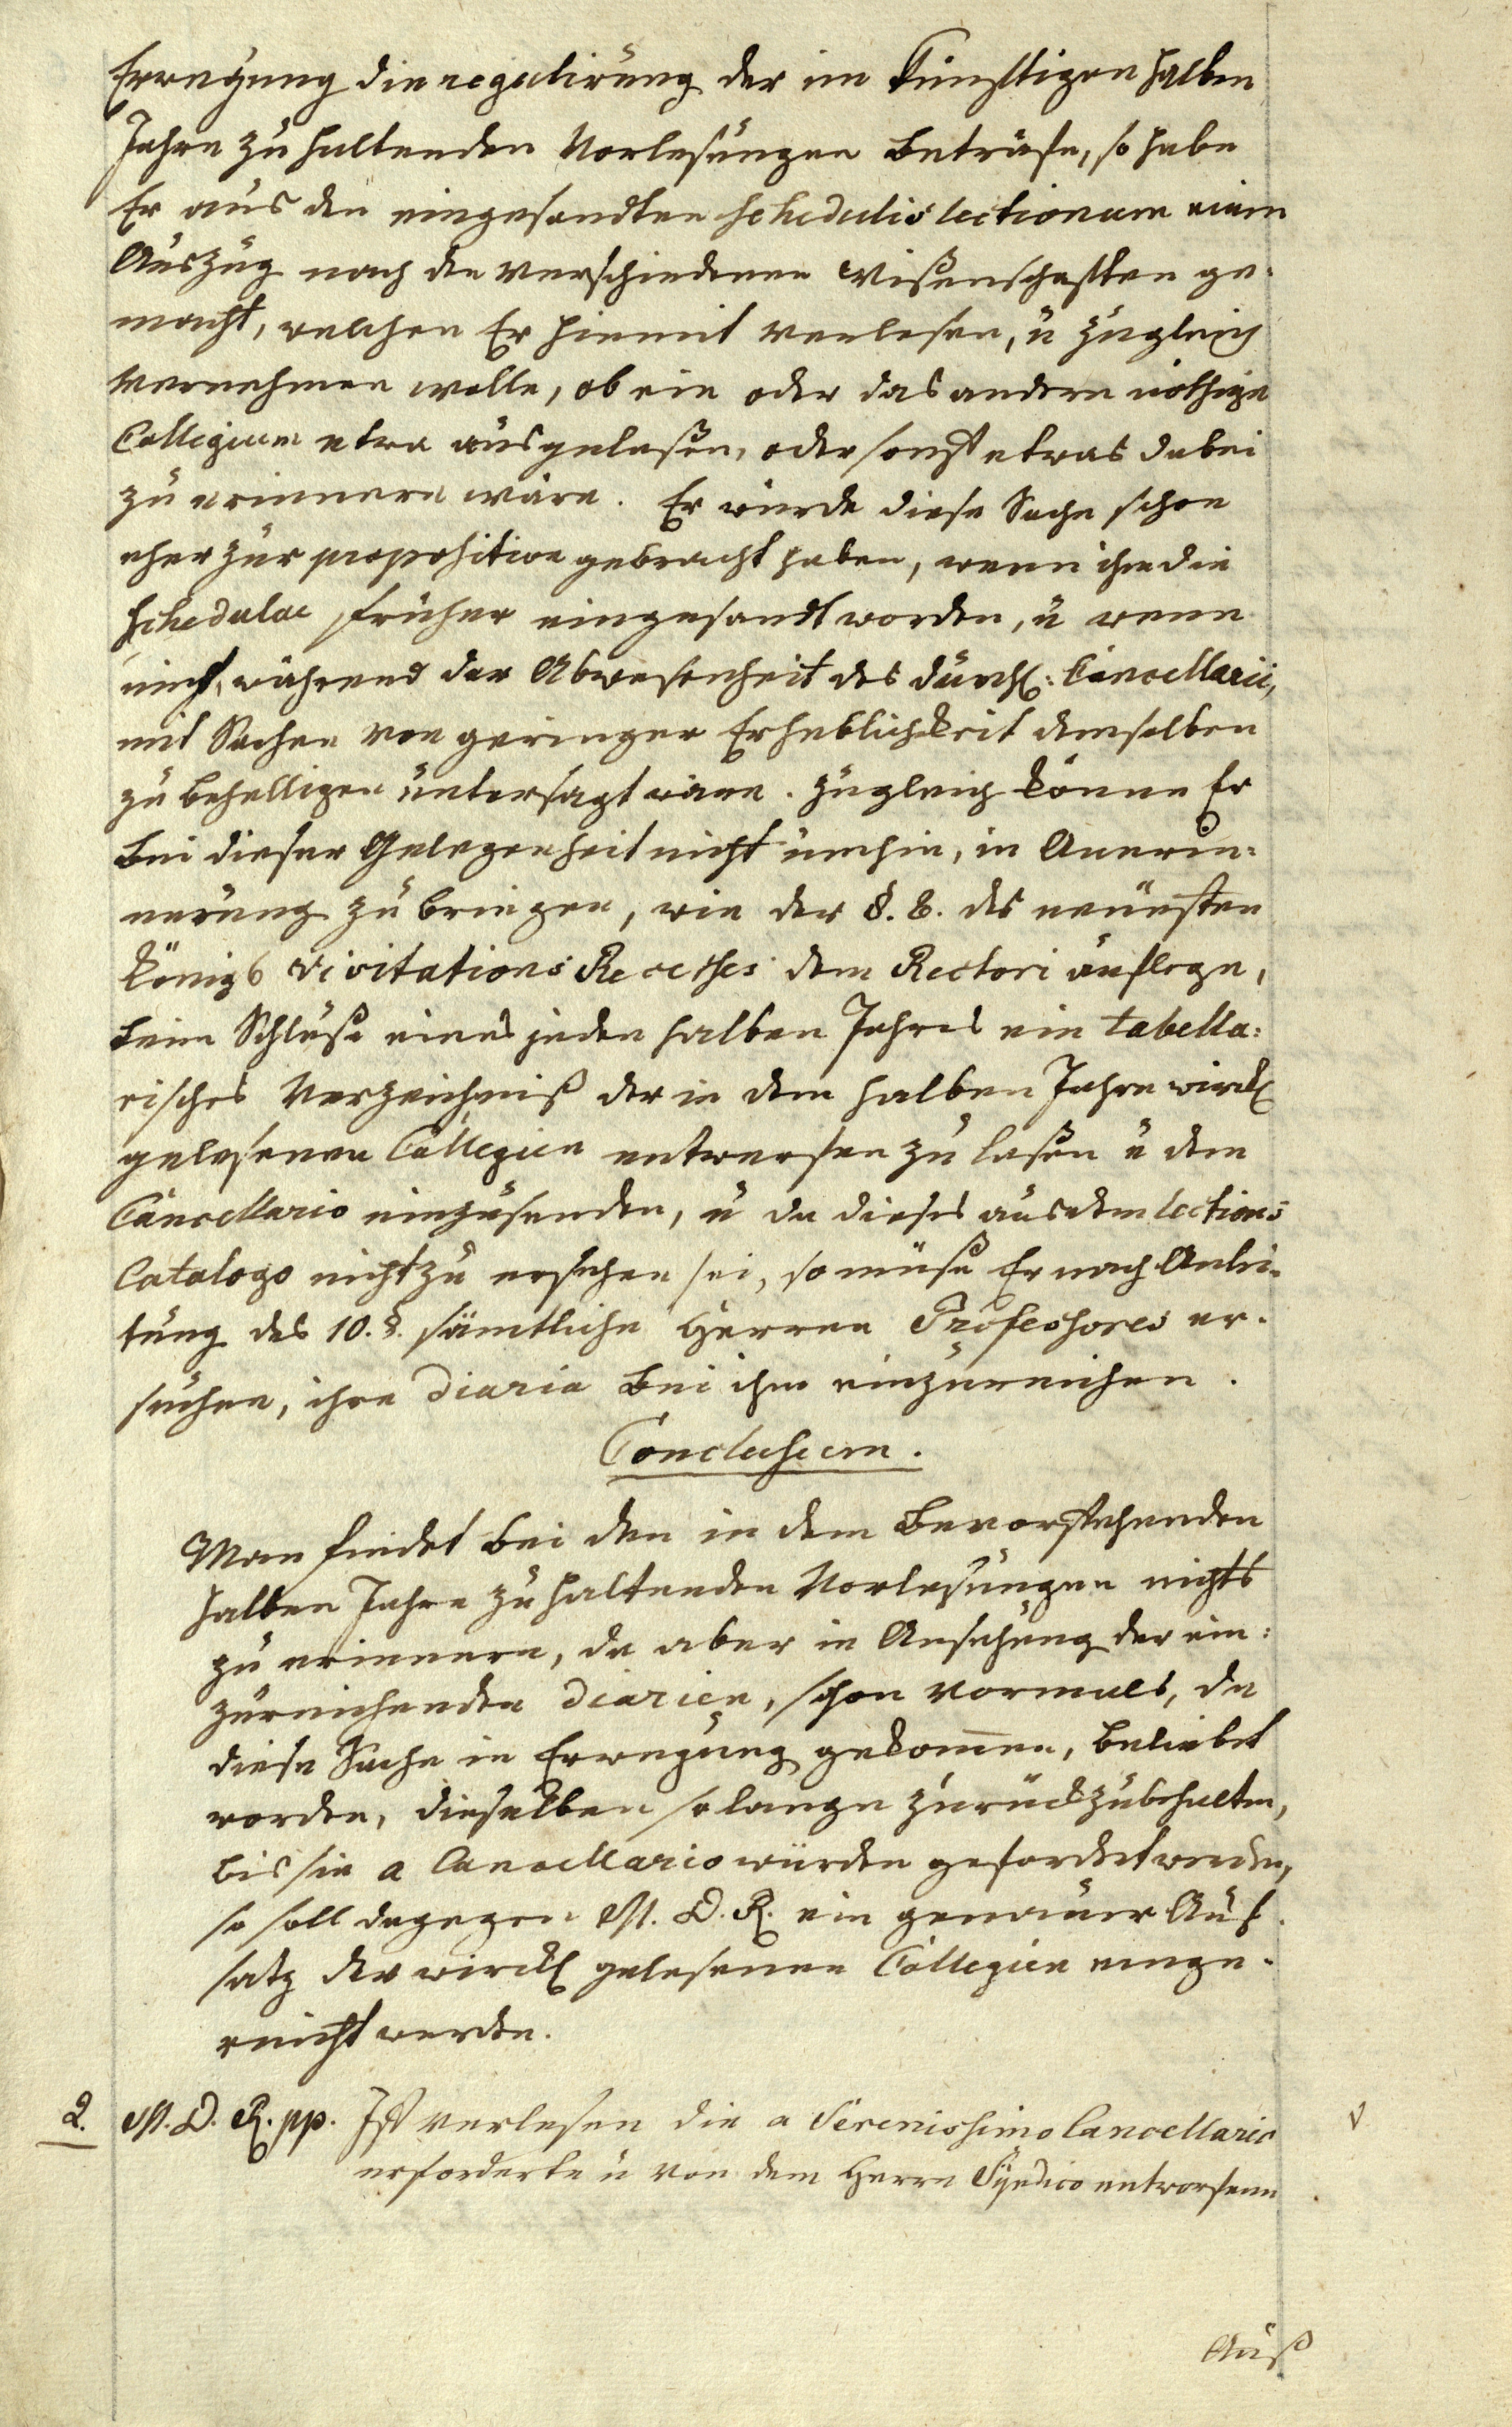Erwegung die regulirung der im künftigen halben
Jahre zu haltenden Vorlesungen beträfe, so habe
Er aus den eingesandten schedulis lectionum einen
Auszug nach den verschiedenen Wissenschaften ge¬
macht, welchen Er hiemit verlesen, u zugleich
vernehmen wolle, ob ein oder das andere nöthige
Collegium etwa ausgelaßen, oder sonst etwas dabei
zu erinnern wäre. Er würde diese Sache schon
eher zur proposition gebracht haben, wenn ihm die
Schedulae früher eingesandt worden, u wenn
nicht, während den Abwesenheit des durchl. Cancellarii
mit Sachen von geringer Erheblichkeit demselben
zu behelligen untersagt wäre. Zugleich könne Er
bei dieser Gelegenheit nicht umhin, in Anerin¬
nerung zu bringen, in der §. 8. des neuesten
Königl Visitations Recesses dem Rectori auflege,
beim Schluße eines jeden halben Jahres ein tabella¬
risches Verzeichniß der in dem halben Jahre wirckl.
gelesenen Collegien entwerfen zur laßen u dem
Cancellario einzusenden, u da dieses aus dem lections¬
Catalogo nhtze ersehen sei, so müße Er nach Anlei¬
tung das 10. §. sämtliche Herren Professores er¬
suchen, ihre diaria bei ihm einzureichen.
Conclusum.
Man findet bei den in dem bevorstehenden
halben Jahre zur haltenden Vorlesungen nichts
zu erinnern, da aber in Ansehung der ein¬
zureichenden diarien, schon vormals, da
diese Sache in Erwegung, gekomen, beliebet
worden, dieselben Er lange zurückzubehalten,
bis sie a Cancellario würden gefordert werden,
so soll dagegen. M. D. R. ein genauer Auf¬
satz der wirckl gelesenen Collegien einge¬
reicht werden.
2. M. D. R. pp. Ist verlesen die a Serenissimo Cancellario
erforderte u von dem Herrn Sÿndico entworfene
Auß